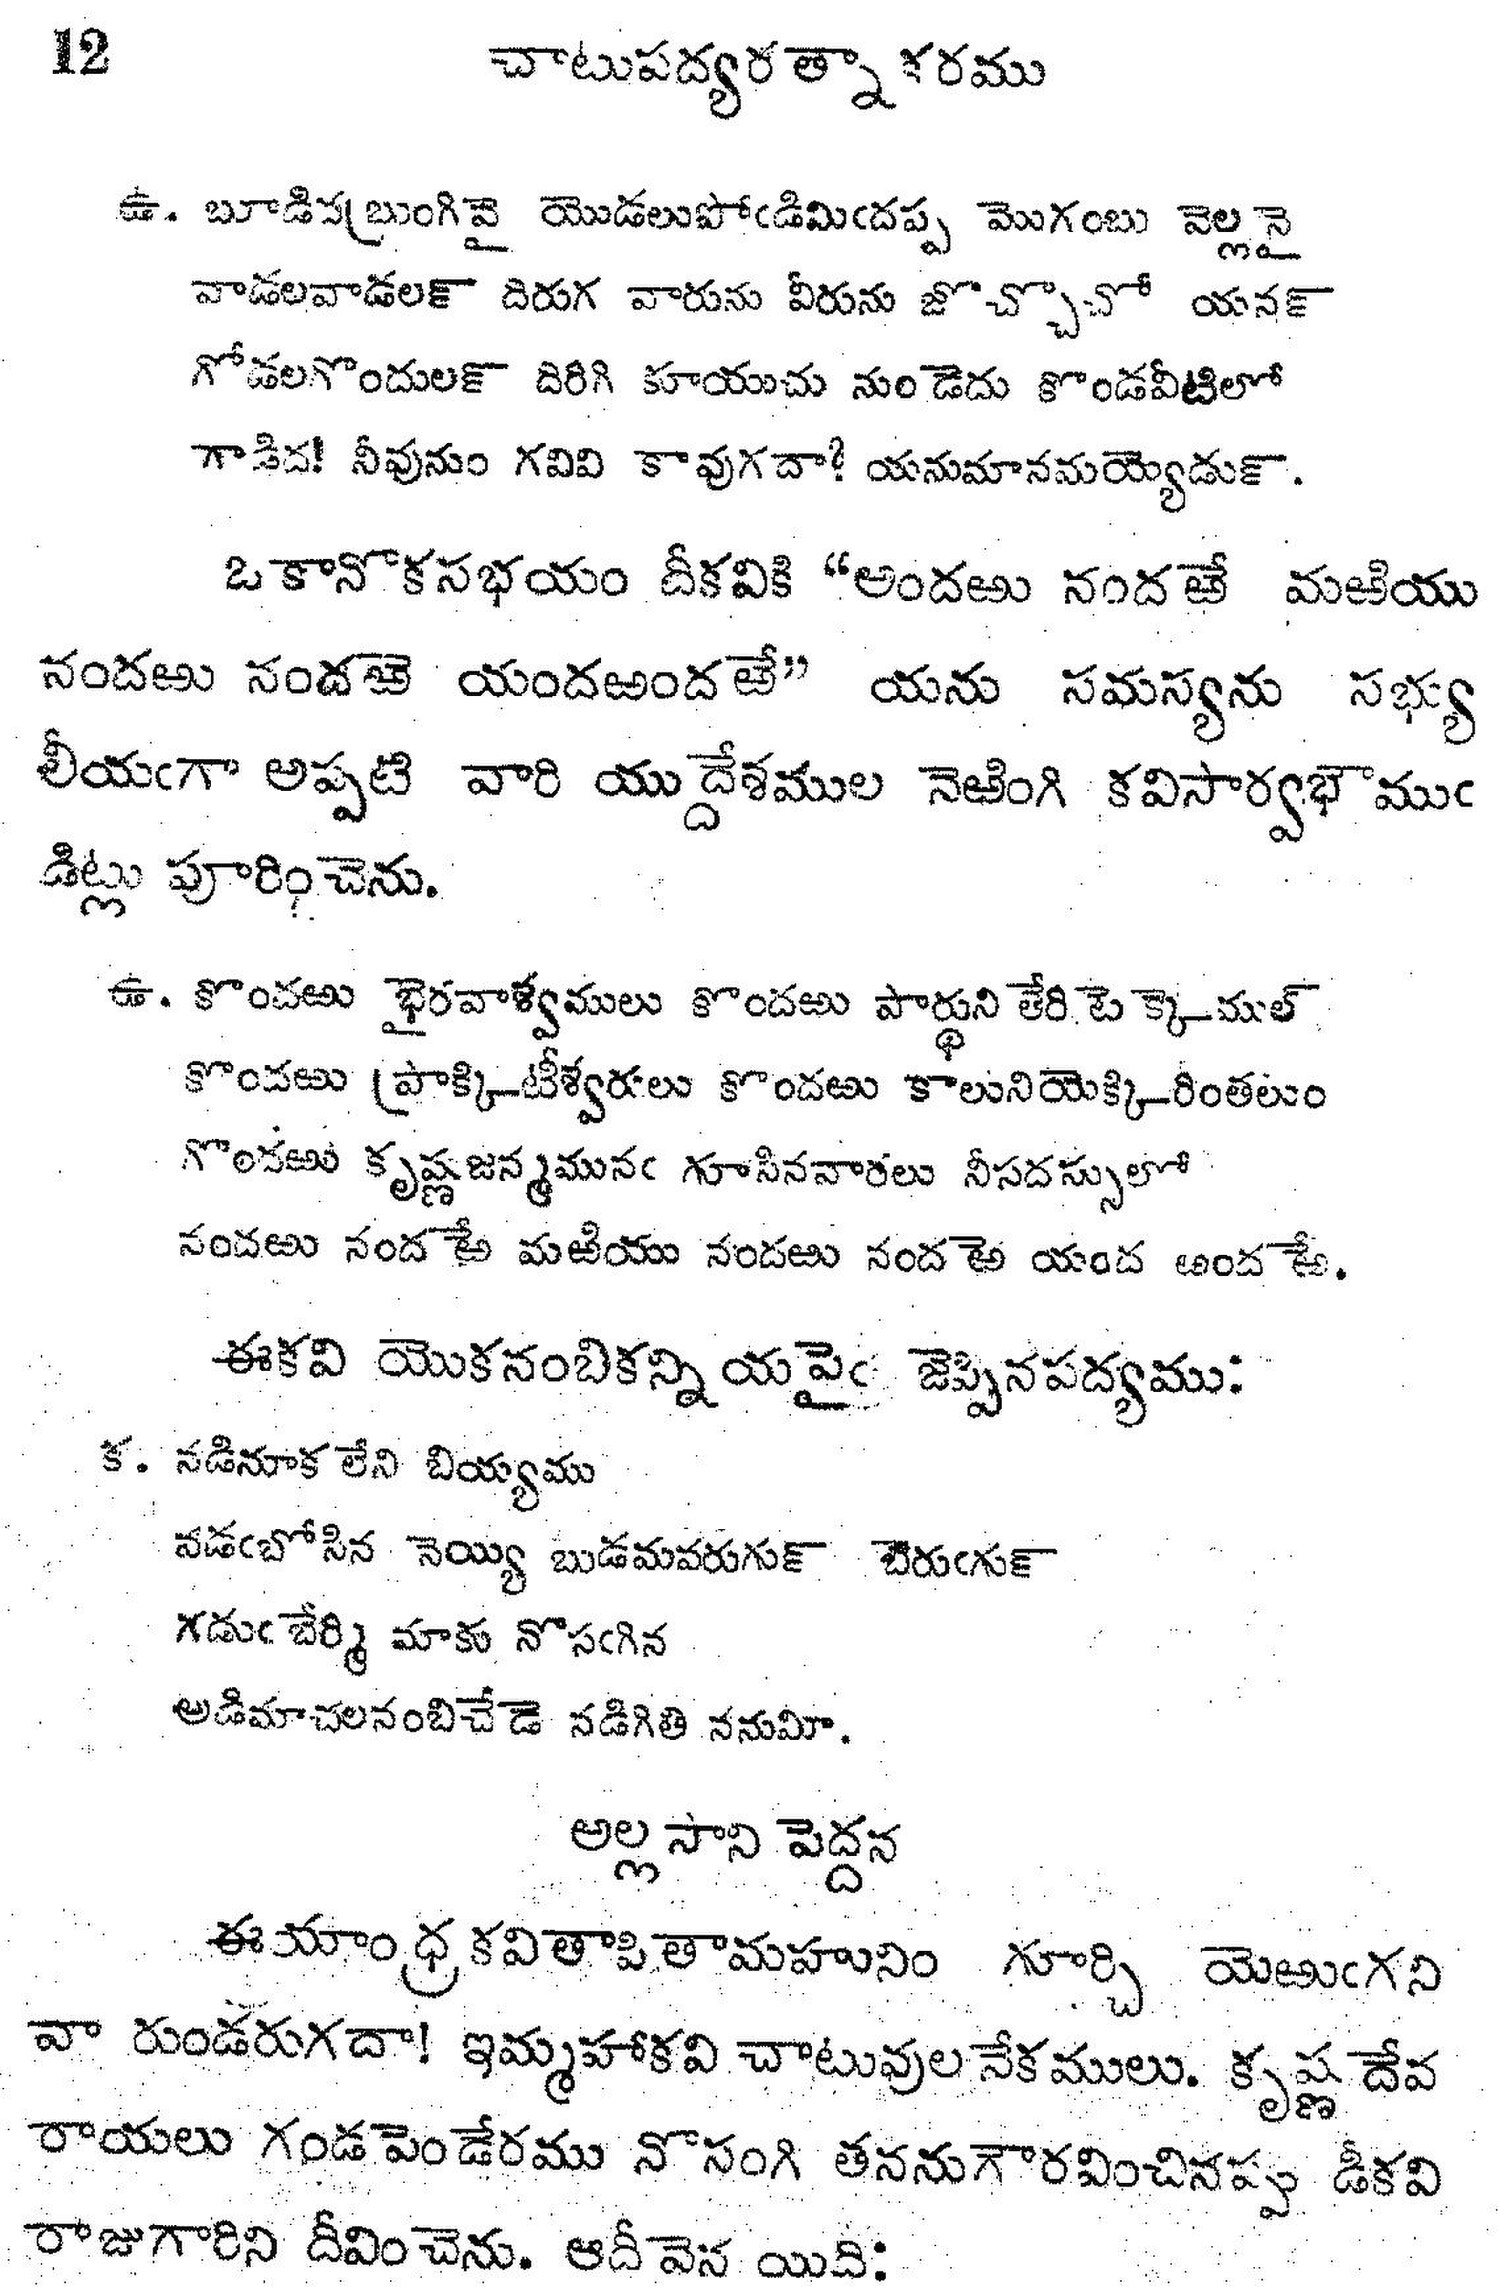ఉ. బూడిదబ్రుంగివై యొడలు పోఁడిమిఁదప్ప మొగంబు వెల్లనై
 వాడలవాడలన్ దిరుగ వారును వీరును జొచ్చొచో యనన్
 గోడలగొందులన్ దిరిగి కూయుచు నుండెదు కొండవీటిలో
 గాడిద! నీవునుం గవివి కావుగదా? యనుమానమయ్యెడున్

ఒకానొకసభయం దీకవికి “అందఱు నందఱే మఱియు నందఱు నందఱె యంద ఱందఱే” యను సమస్యను సభ్యు లీయఁగా అప్పటి వారియుద్దేశముల నెఱింగి కవిసార్వభౌము డిట్లు పూరించెను.

ఉ. కొందఱు భైరవాశ్వములు కొందఱు పార్థునితేరిటెక్కెముల్
 కొందఱు ప్రాక్కిటీశ్వరులు కొందఱు కాలునియెక్కిరింతలుం
 గొందఱు కృష్ణజన్మమునఁ గూసినవారలు నీసదస్సులో
 నందఱు నందఱే మఱియు నందఱు నందఱె యంద ఱందఱే.

ఈకవి యొకనంబికన్నియపైఁ జెప్పిన పద్యము

క. నడినూకలేని బియ్యము
 వడఁబోసిన నెయ్యి బుడమవరుగున్ బెరుఁగున్
 గడుఁబేర్మి మాకు నొసఁగిన
 అడిమాచలనంబిచేడె నడిగితి ననుమీ.

ఈయాంధ్రకవితాపితామహునిం గూర్చి యెఱుఁగనివా రుండరుగదా! ఇమ్మహాకవి చాటువు లనేకములు. కృష్ణదేవరాయలు గండపెండేరము నొసంగి తనను గౌరవించినప్పు డీకవి రాజుగారిని దీవించెను. ఆదీవెన యిది